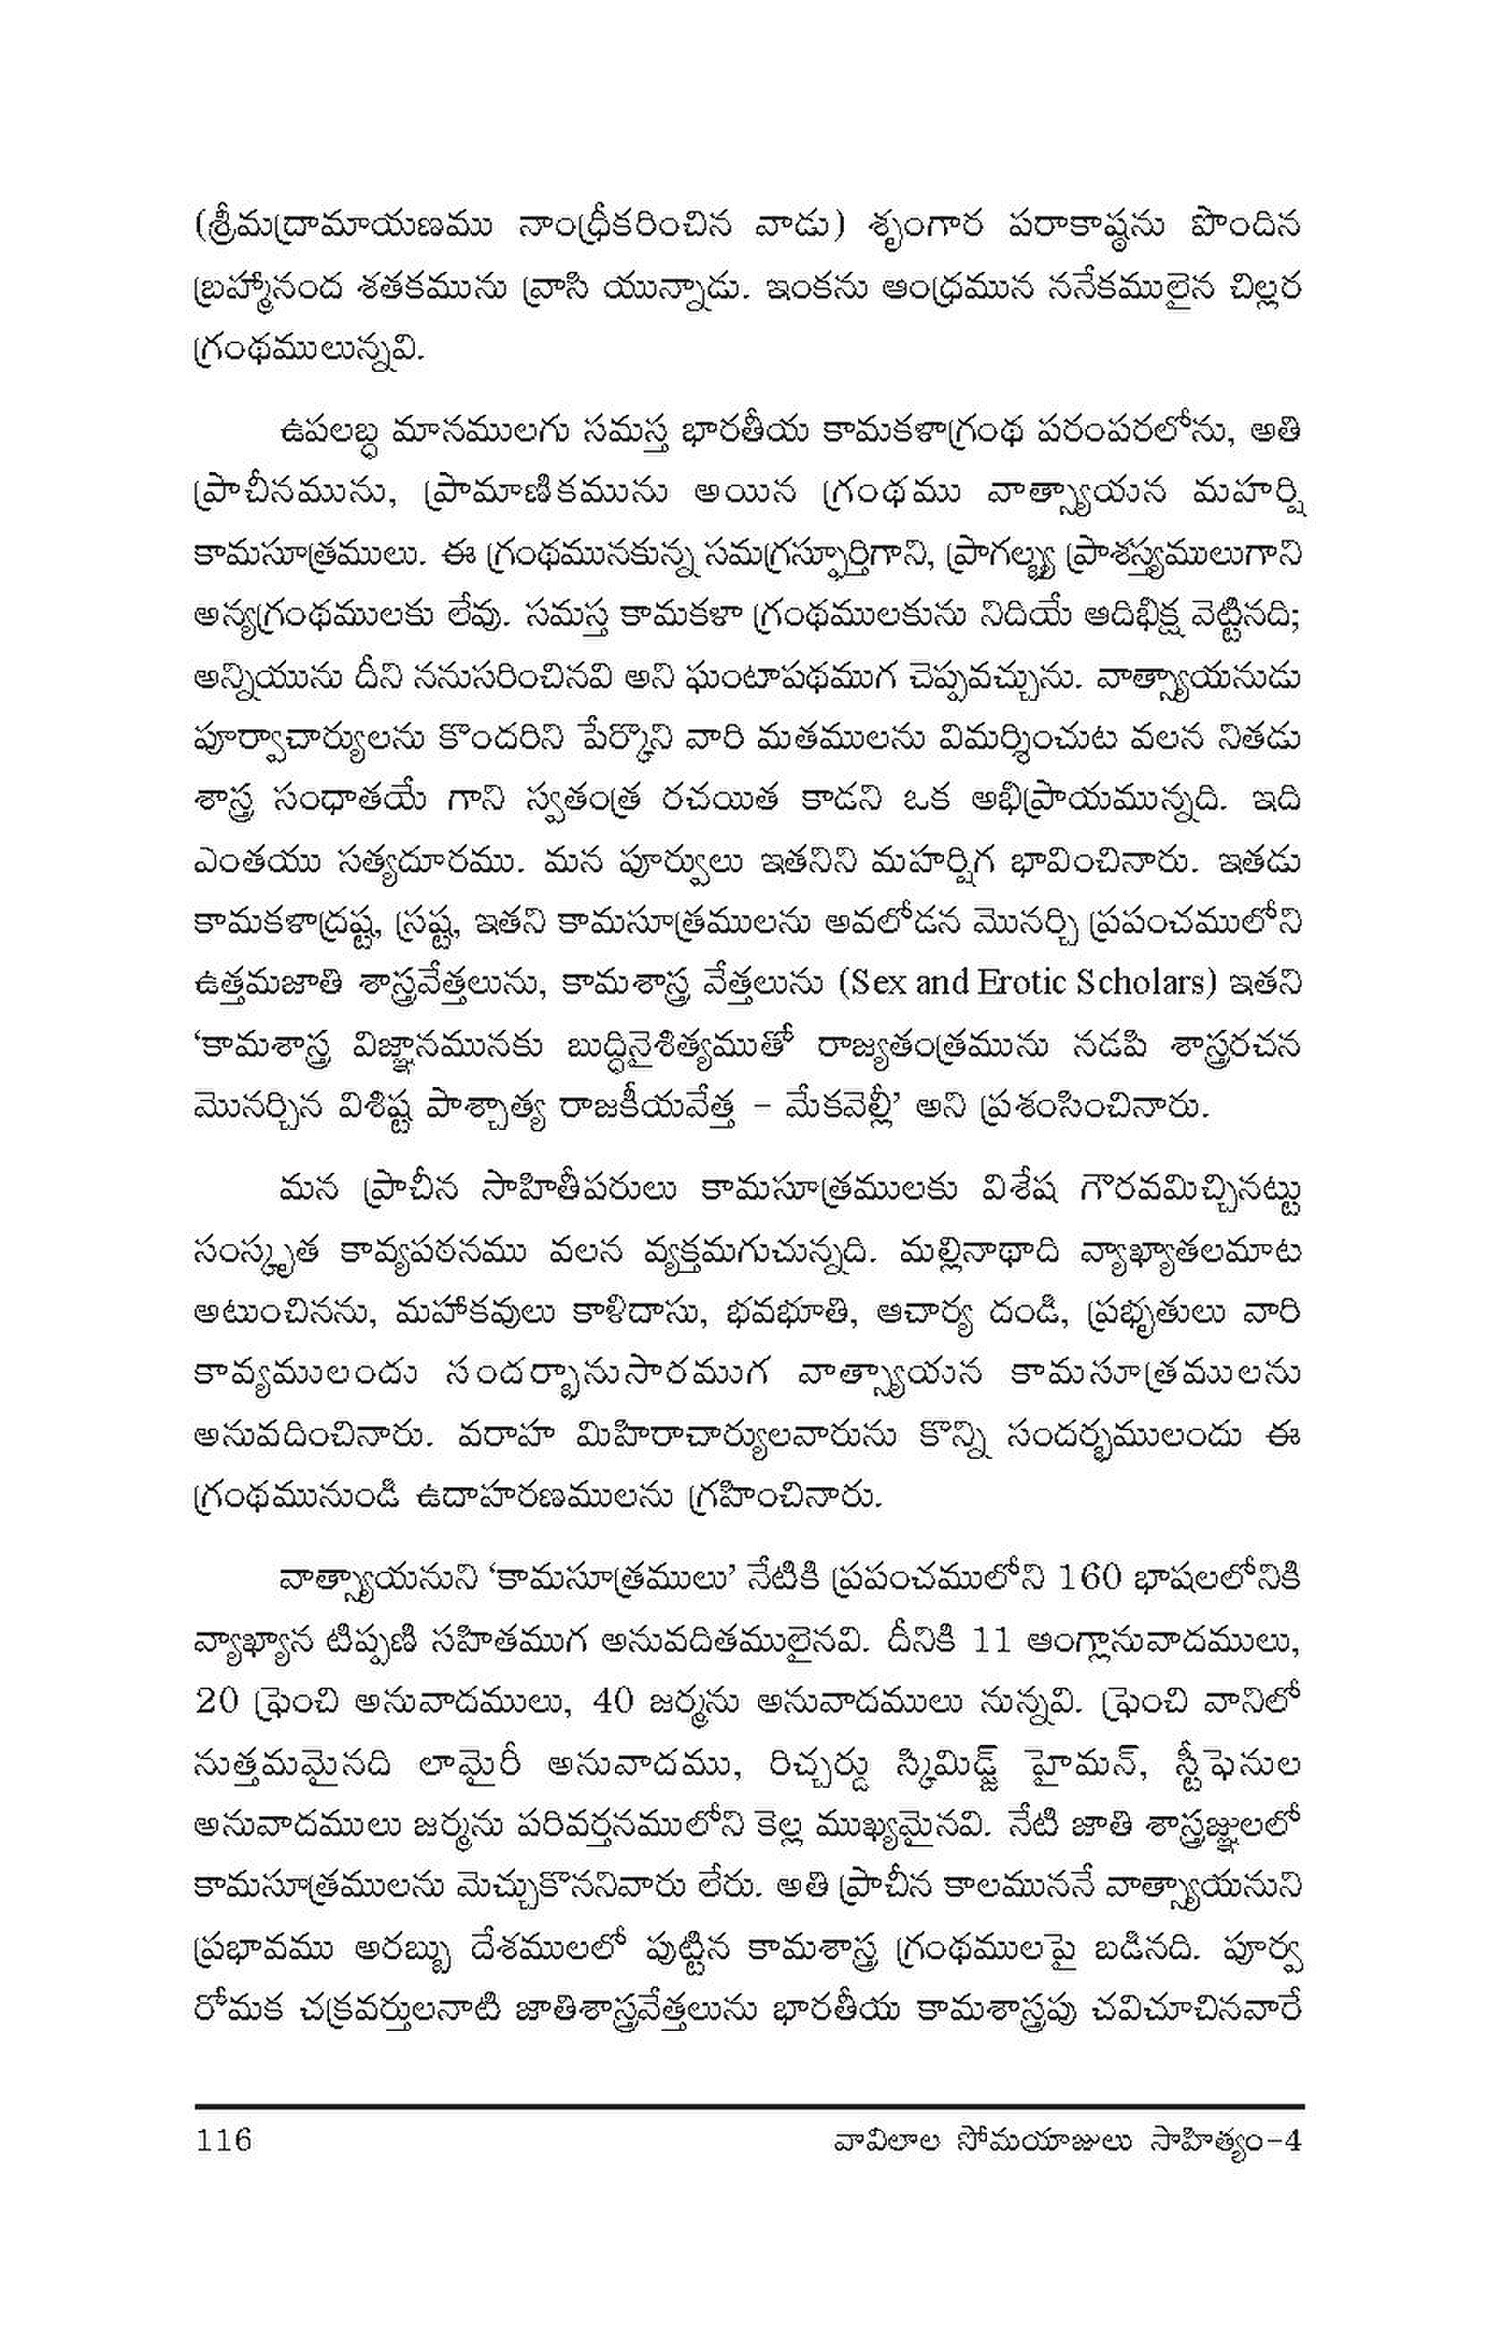(శ్రీమద్రామాయణము నాంధ్రీకరించిన వాడు) శృంగార పరాకాష్ఠను పొందిన
బ్రహ్మానంద శతకమును వ్రాసి యున్నాడు. ఇంకను ఆంధ్రమున ననేకములైన చిల్లర గ్రంథములున్నవి.

ఉపలబ్ధ మానములగు సమస్త భారతీయ కామకళాగ్రంథ పరంపరలోను, అతి
ప్రాచీనమును, ప్రామాణికమును అయిన గ్రంథము వాత్స్యాయన మహర్షి
కామసూత్రములు. ఈ గ్రంథమునకున్న సమగ్రస్ఫూర్తిగాని, ప్రాగల్భ్య ప్రాశస్త్యములుగాని అన్యగ్రంథములకు లేవు. సమస్త కామకళా గ్రంథములకును నిదియే ఆదిభిక్ష వెట్టినది; అన్నియును దీని ననుసరించినవి అని ఘంటాపథముగ చెప్పవచ్చును. వాత్స్యాయనుడు పూర్వాచార్యులను కొందరిని పేర్కొని వారి మతములను విమర్శించుట వలన నితడు శాస్త్ర సంధాతయే గాని స్వతంత్ర రచయిత కాడని ఒక అభిప్రాయమున్నది. ఇది ఎంతయు సత్యదూరము. మన పూర్వులు ఇతనిని మహర్షిగ భావించినారు. ఇతడు
కామకళాద్రష్ట, స్రష్ట, ఇతని కామసూత్రములను అవలోడన మొనర్చి ప్రపంచములోని ఉత్తమజాతి శాస్త్రవేత్తలును, కామశాస్త్ర వేత్తలును (Sex and Erotic Scholars) ఇతని 'కామశాస్త్ర విజ్ఞానమునకు బుద్ధినైశిత్యముతో రాజ్యతంత్రమును నడపి శాస్త్రరచన మొనర్చిన విశిష్ట పాశ్చాత్య రాజకీయవేత్త - మేకవెల్లీ' అని ప్రశంసించినారు.

మన ప్రాచీన సాహితీపరులు కామసూత్రములకు విశేష గౌరవమిచ్చినట్టు
సంస్కృత కావ్యపఠనము వలన వ్యక్తమగుచున్నది. మల్లినాథాది వ్యాఖ్యాతలమాట
అటుంచినను, మహాకవులు కాళిదాసు, భవభూతి, ఆచార్య దండి, ప్రభృతులు వారి కావ్యములందు సందర్భానుసారముగ వాత్స్యాయన కామసూత్రములను
అనువదించినారు. వరాహ మిహిరాచార్యులవారును కొన్ని సందర్భములందు ఈ
గ్రంథమునుండి ఉదాహరణములను గ్రహించినారు.

వాత్స్యాయనుని 'కామసూత్రములు' నేటికి ప్రపంచములోని 160 భాషలలోనికి
వ్యాఖ్యాన టిప్పణి సహితముగ అనువదితములైనవి. దీనికి 11 ఆంగ్లానువాదములు, 20 ఫ్రెంచి అనువాదములు, 40 జర్మను అనువాదములు నున్నవి. ఫ్రెంచి వానిలో నుత్తమమైనది లామైరీ అనువాదము, రిచ్చర్డు స్కిమిడ్జ్ హైమన్, స్టీఫెనుల అనువాదములు జర్మను పరివర్తనములోని కెల్ల ముఖ్యమైనవి. నేటి జాతి శాస్త్రజ్ఞులలో కామసూత్రములను మెచ్చుకొననివారు లేరు. అతి ప్రాచీన కాలముననే వాత్స్యాయనుని ప్రభావము అరబ్బు దేశములలో పుట్టిన కామశాస్త్ర గ్రంథములపై బడినది. పూర్వ రోమక చక్రవర్తులనాటి జాతిశాస్త్రవేత్తలును భారతీయ కామశాస్త్రపు చవిచూచినవారే